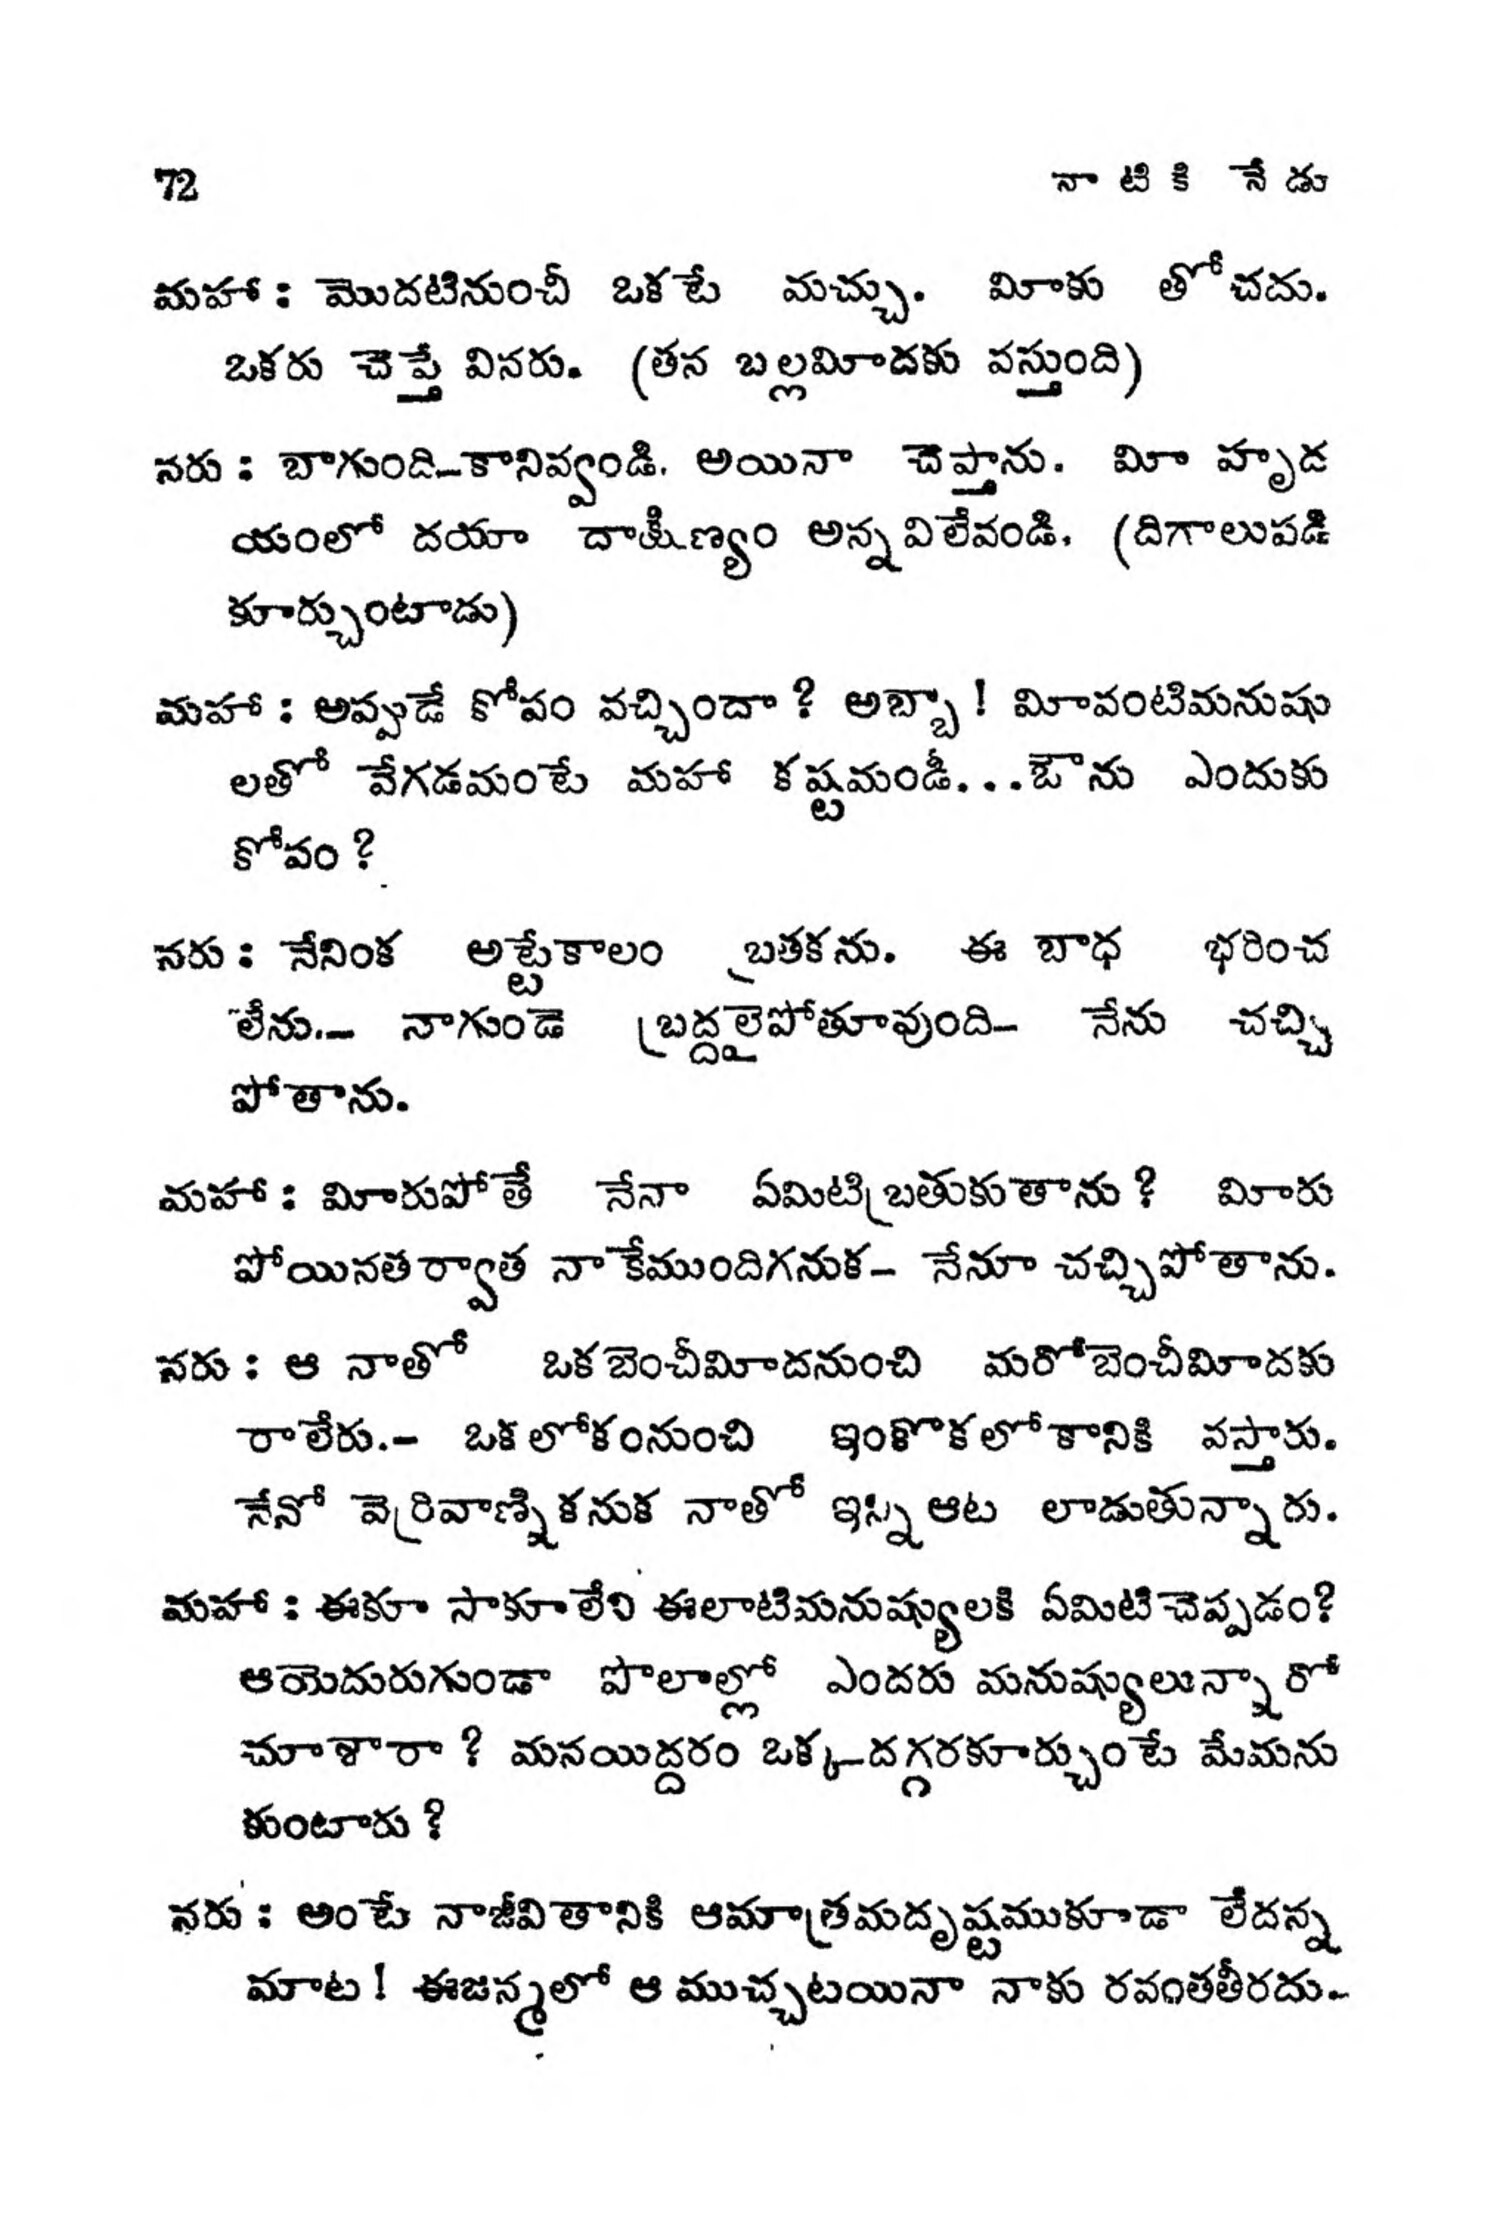మహా : మొదటినుంచీ ఒకటే మచ్చు. మీకు తోచదు. ఒకరు చెప్తే వినరు. (తన బల్లమీదకు వస్తుంది)

నరు : బాగుంది - కానివ్వండి. అయినా చెప్తాను. మీ హృదయంలో దయా దాక్షిణ్యం అన్నవిలేవండి. (దిగాలుపడి
కూర్చుంటాడు)

మహా : అప్పుడే కోపం వచ్చిందా ? అబ్బా! మీవంటిమనుషులతో వేగడమంటే మహా కష్టమండీ... ఔను ఎందుకు
కోపం ?

నరు : నేనింక అట్టేకాలం బ్రతకను. ఈ బాధ భరించలేను. - నాగుండె బ్రద్దలైపోతూవుంది- నేను చచ్చిపోతాను.

మహా : మీరుపోతే నేనా ఏమిటిబ్రతుకుతాను? మీరు పోయినతర్వాత నాకేముందిగనుక- నేనూ చచ్చిపోతాను.

నరు : ఆ నాతో ఒకబెంచీవిూదనుంచి మరోబెంచీవిూదకు రాలేరు. - ఒక లోకంనుంచి ఇంకొకలోకానికి వస్తారు. నేనో వెర్రివాణ్నికనుక నాతో ఇన్ని ఆట లాడుతున్నారు.

మహా : ఈకూ సాకూలేని ఈలాటి మనుష్యులకి ఏమిటిచెప్పడం? ఆయెదురుగుండా పొలాల్లో ఎందరు మనుష్యులున్నారో చూశారా ? మనయిద్దరం ఒక్కదగ్గరకూర్చుంటే మేమనుకుంటారు ?

నరు : అంటే నాజీవితానికి ఆమాత్రమదృష్టముకూడా లేదన్నమాట ! ఈజన్మలో ఆ ముచ్చటయినా నాకు రవంతతీరదు.